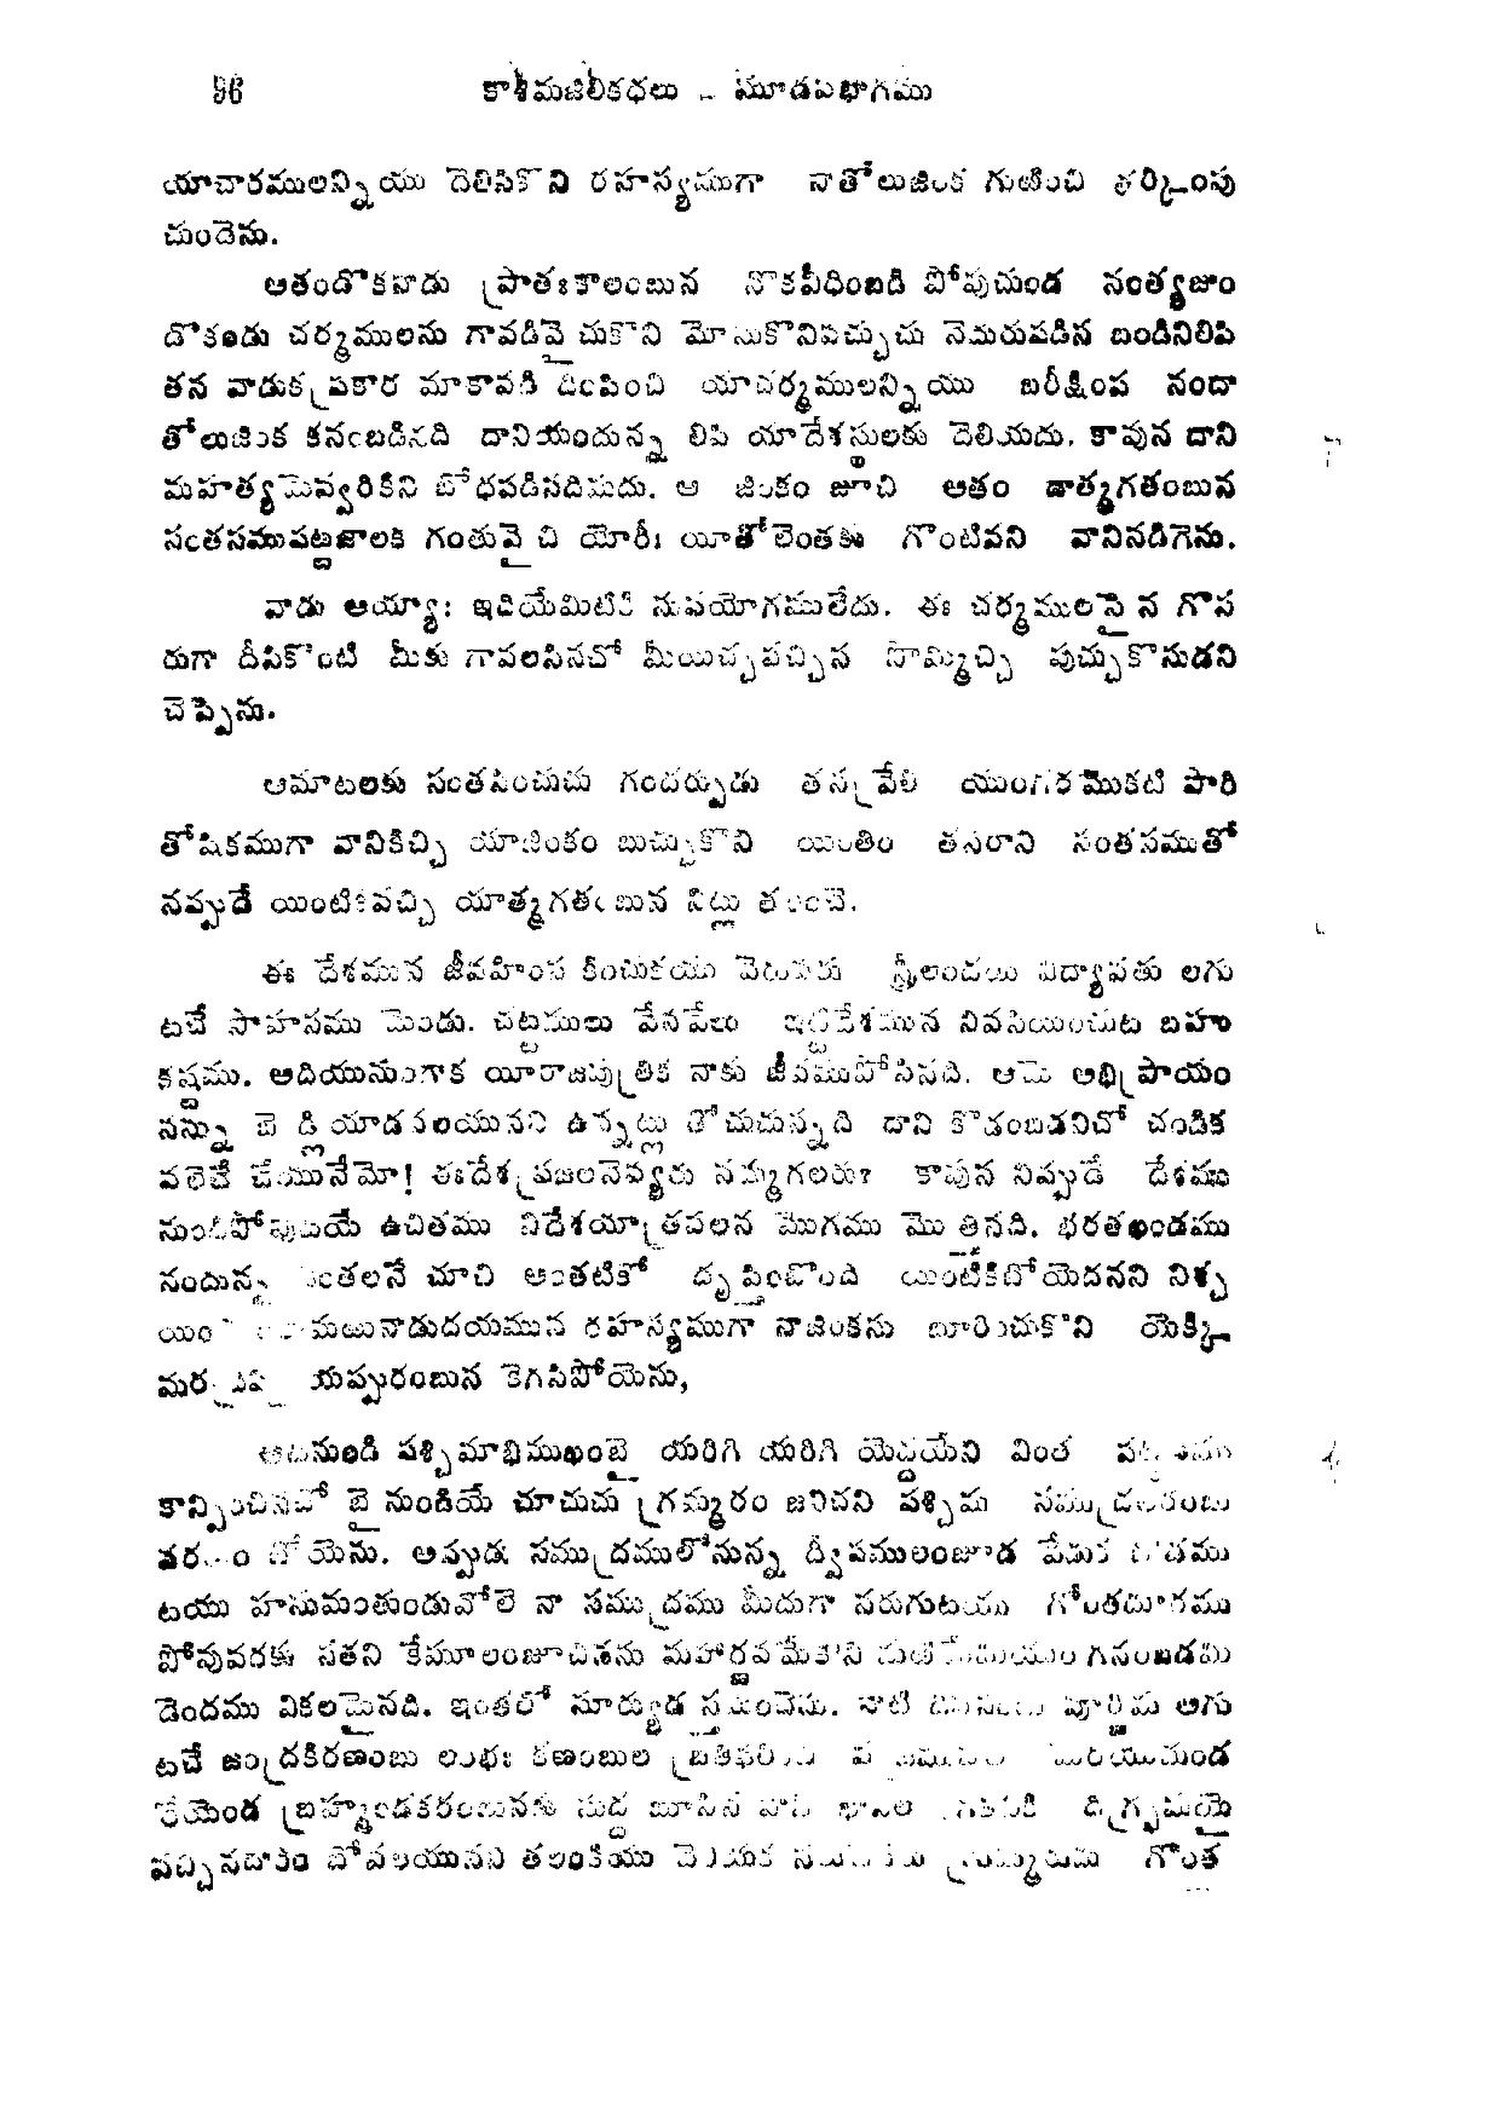యాచారములన్నియు దెలిసికొని రహస్యముగా నాతోలుజింక గుఱించి తర్కింపు చుండెను.

అతండొకనాడు ప్రాతఃకాలంబున నొకవీధింబడి పోవుచుండ నంత్యజుం డొకండు చర్మములను గావడివైచుకొని మోసుకొనివచ్చుచు నెదురుపడిన బండినిలిపి తన వాడుక ప్రకార మాకావడి దింపించి యాచర్మము లన్నియు బరీక్షింప నందా తోలుజింక కనంబడినది దానియందున్న లిపి యాదేశస్థులకు దెలియదు. కావున దాని మహత్యమెవ్వరికిని బోధపడినదికాదు. ఆ జింకం జూచి అతం డాత్మగతంబున సంతసము పట్టజాలక గంతువై చి యోరీ! యీతో లెంతకు గొంటివని వానినడిగెను.

వాడు అయ్యా! ఇది యేమిటికి నుపయోగములేదు. ఈ చర్మములపైన గొసరుగా దీసికొంటి మీకు గావలసినచో మీయిచ్చవచ్చిన సొమ్మిచ్చి పుచ్చుకొనుడని చెప్పెను.

ఆమాటలకు సంతసించుచు గందర్పుడు తనవ్రేలి యుంగరమొకటి పారితోషికముగా వానికిచ్చి యాజింకం బుచ్చుకొని యింతిం తనరాని సంతసముతో నప్పుడే యింటికివచ్చి యాత్మగతంబున నిట్లు తలంచె.

ఈ దేశమున జీవహింస కించుకయు వెరువరు స్త్రీలందఱు విద్యావతు లగుటచే సాహసము మెండు. చట్టములు వేనవేలు ఇట్టిదేశమున నివసియించుట బహుకష్టము. అదియునుంగాక యీరాజపుత్రిక నాకు జీవముపోసినది. ఆమె అభిప్రాయం నన్ను బెండ్లియాడవలయునని ఉన్నట్లు తోచుచున్నది దాని కొడంబడనిచో చండికవలెచే చేయునేమో! ఈదేశప్రజలనెవ్యరు నమ్మగలరు? కావున నిప్పుడే దేశము
నుండిపోవుటయే ఉచితము విదేశయాత్రవలన మొగము మొత్తినది. భరతఖండము నందున్న వింతలనే చూచి అంతటితో దృప్తింబొంది యింటికిబోయెదనని నిశ్చయించి యామఱునాడుదయమున రహస్యముగా నాజింకను బూరించుకొని యెక్కి, మరద్రిప్పి యప్పురంబున కెగసిపోయెను.

అటనుండి పశ్చిమాభిముఖంబై యరిగి యరిగి యెద్దియేని వింత పట్టణము కాన్పించినచో బై నుండియే చూచుచు గ్రమ్మరం జనిచని పశ్చిమసముద్రతీరంబు వరకుం బోయెను. అప్పుడు సముద్రములోనున్న ద్వీపములంజూడ వేడుక బొడముటయు హనుమంతుండువోలె నా సముద్రము మీదుగా నరుగుటయు గొంతదూరము పోవువరకు నతని కేమూలంజూచినను మహార్ణవమేకాని మఱియేమియుంగనంబడమి డెందము వికలమైనది. ఇంతలో సూర్యుడస్తమించెను. నాటి దివసంబు పూర్ణిమ అగుటచే జంద్రకిరణంబు లంభః కణంబుల బ్రతిఫలించి వజ్రమువలె మెరయుచుండ రేయెండ బ్రహ్మాండకరంబునకు సుద్ద బూసిన వాని భాసల గన నతనికి దిగ్భ్రమయై వచ్చినదారిం బోవలయునని తలంచియు దెలియక నలుగడలు గ్రుమ్మరుచు గొంత